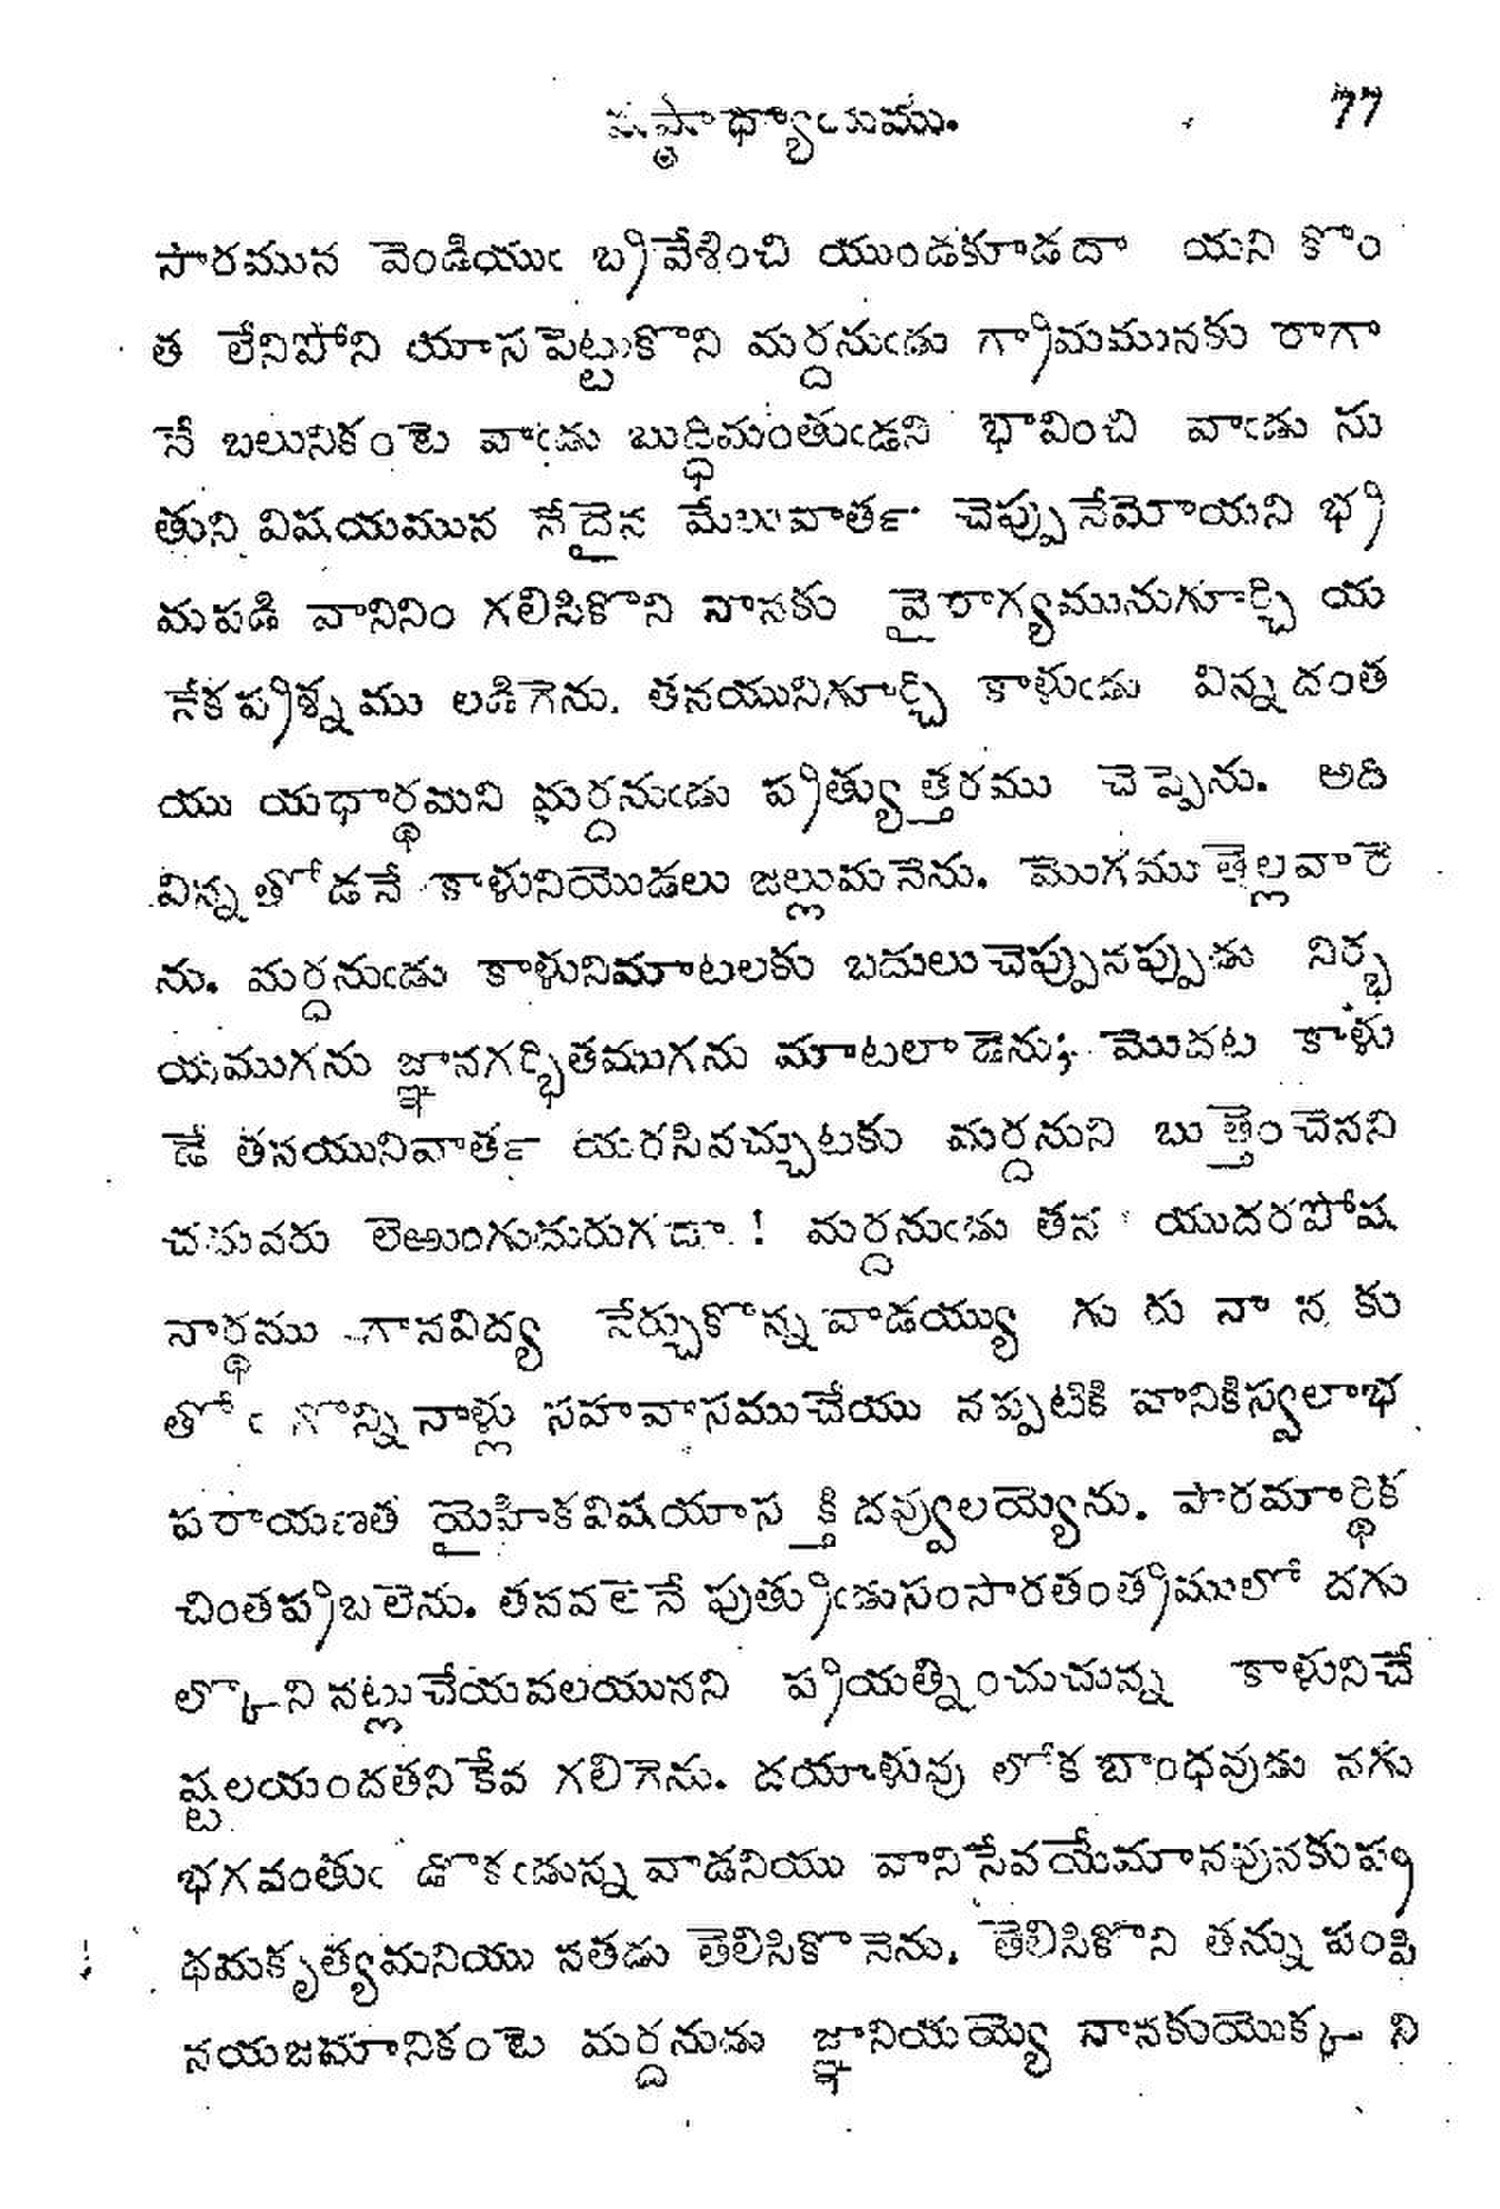సారమున వెండియు బ్రవేశించి యుండకూడదా యని కొంత లేనిపోని యాసపెట్టుకొని మర్దనుడు గ్రామమునకు రాగానే బలునికంటె వాడు బుద్ధిమంతుడని భావించి వాడు సుతుని విషయమున నేదైన మేలువాతన్ చెప్పునేమోయని భ్రమపడి వానినిం గలిసికొని నానకు వైరాగ్యమునుగూర్చి యనేకప్రశ్నము లడిగెను. తనయునిగూర్చి కాళుడు విన్నదంతయు యధార్థమని మర్దనుడు ప్రత్యుత్తరము చెప్పెను. అది విన్నతోడనే కాళునియొడలు జల్లుమనెను. మొగము తెల్లవారెను. మర్దనుడు కాళునిమాటలకు బదులుచెప్పునప్పుడు నిర్భయముగను జ్ఞానగర్భితముగను మాటలాడెను; మొదట కాళుడే తనయునివాతన్ యరసివచ్చుటకు మర్దనుని బుత్తెంచెనని చదువరు లెఱుంగుదురుగదా! మర్దనుడు తన యుదరపోషనార్థము గానవిద్య నేర్చుకొన్నవాడయ్యు గురునానకుతో గొన్నినాళ్లు సహవాసముచేయు నప్పటికి వానికిస్వలాభ పరాయణత యైహికవిషయాసక్తిదవ్వులయ్యెను. పారమార్థిక చింతప్రబలెను. తనవలెనే పుత్రుడు సంసారతంత్రములో దగుల్కొని నట్లు చేయవలయునని ప్రయత్నించుచున్న కాళునిచేష్టలయందతని కేవ గలిగెను. దయాళువు లోకబాంధవుడు నగు భగవంతుడు డొకడున్నవాడనియు వానిసేవయేమానవునకుప్రథమకృత్యమనియు నతడు తెలిసికొనెను. తెలిసికొని తన్ను పంపినయజమానికంటె మర్దనుడు జ్ఞానియయ్యె నానకుయొక్క ని